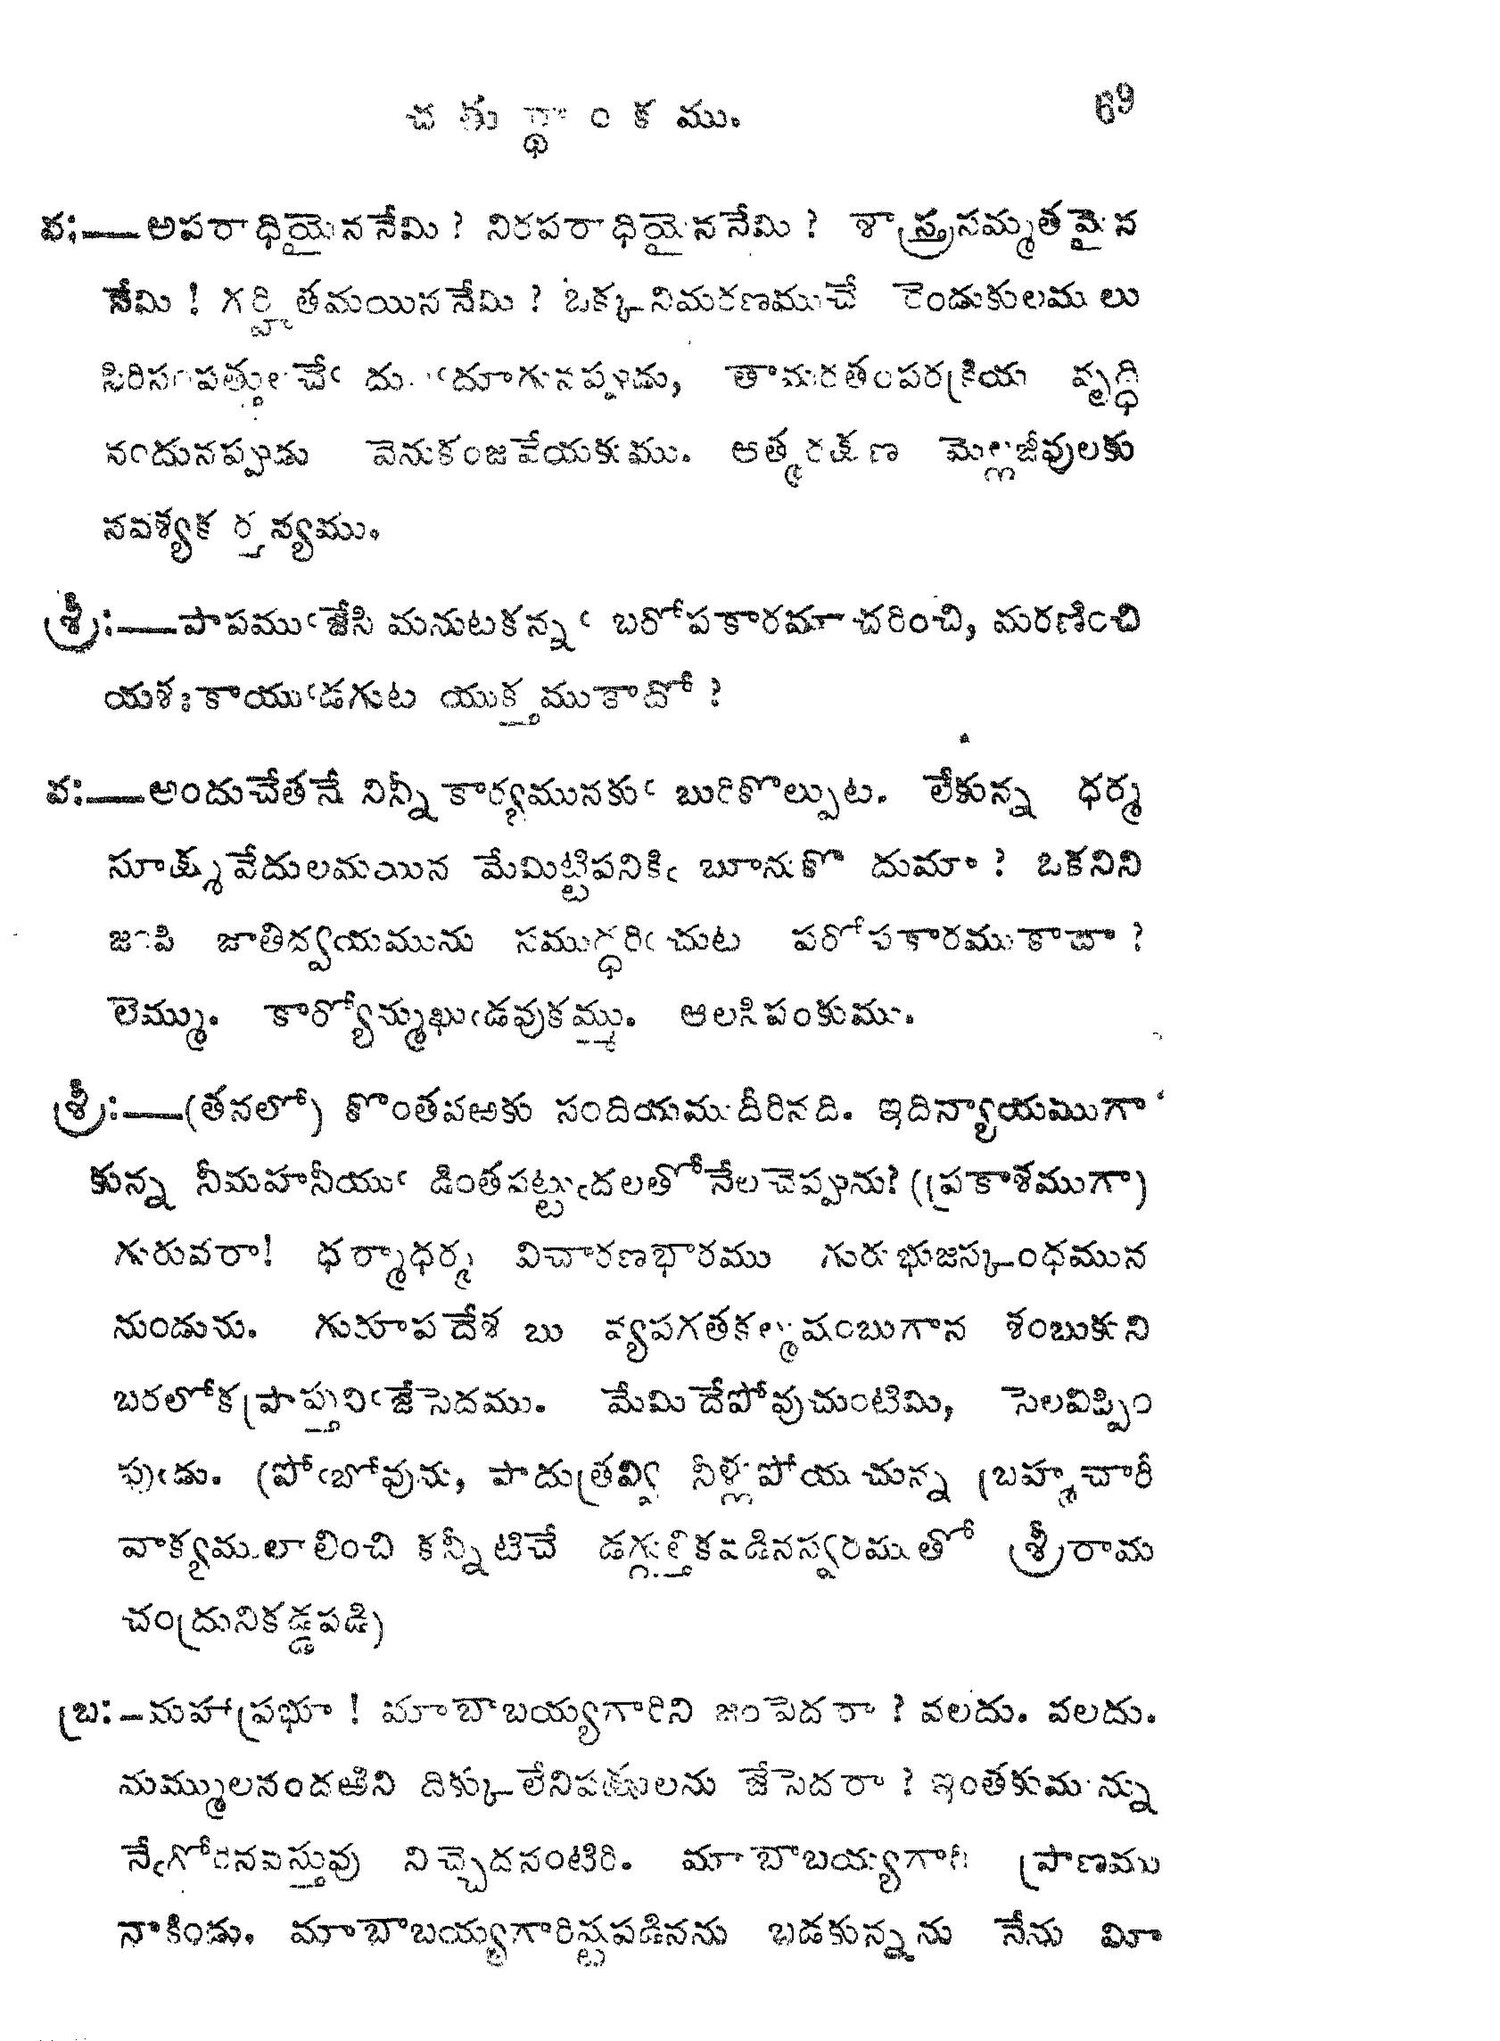- 
 అపరాధియైన నేమి ? నిరపరాధియైన నేమి ? శాస్త్ర సమ్మతమైన
 నేమి ! గర్హితమయిన నేమి ? ఒక్కని మరణముచే రెండు కులములు
 సిరిసంపత్తులచే దులదూగ నప్పుడు తామరతంపర క్రియ వృద్ధి
 నందునప్పుడు వెనుకంజ వేయకము. ఆత్మరక్షణమెల్ల జీవులకు
 నవశ్య కర్తవ్యము.

శ్రీ: పాపముఁ జేసి మనుటకన్న "( బరోపకారమాచరించి, మరణించి
 యశః కాయు డగుట యుక్త ముకాదో ?

వ: __అందు చేతనే నిన్నీ కార్యమునకు బురికొల్పుట. లేకున్న ధర్మ
 సూక్మ వేదులమయిన మేమిట్టిపనికిఁ బూనుకొందుమా? ఒకనిని
 జంపి జాతిద్వయమును సముధ్ధరించుట పరోపకారము: కాదా?
 లెమ్ము. కార్యోన్ముఖుఁడవు కమ్ము. ఆలకింపంకుమ'.

శ్రీ:- (తనలో) కొంత వఱకు సందియము దీరినది. ఇది న్యాయముగా '
 కున్న నీ మహనీయుఁ డింత పట్టుదలతో నేల చెప్పును? ((ప్రకాశముగా)
 గురువరా! ధర్మాధర్మ విచారణ భారము గుర భుజస్కంధమున
 నుండును. గురూపదేశంబు వ్యపగతకల్మషంబుగాన శంబుకుని
 బరలోక ప్రాప్తుని జేసెదము. మేమిదేపోవు చుంటిమి, సెలవిప్పి
 పుడు. (పోఁబోవును, పాదుత్రవ్వి నీళ్ల పోయ చున్న బ్రహ్మచారీ
 వాక్యము. లాలించి కన్నీటిచే డగ్గుత్తిక వడిన స్వరముతో శ్రీరామ
 చంద్రుని కడ్డపడి)

బ్ర: -మహాప్రభూ ! మా బాబయ్యగారిని జంపెదరా ! వలదు. వలదు.
 మమ్ములనందని దిక్కు లేనిపక్షులను జేసెదరా ! ఇంతకుమున్ను
 నే గోరిన వస్తువు నిచ్చెదనంటిరి. మా బాబయ్యగారి ప్రాణము
 నాకిండు, మాబాబయ్యగారిష్ట పడినను బడకున్నను నేను మీ